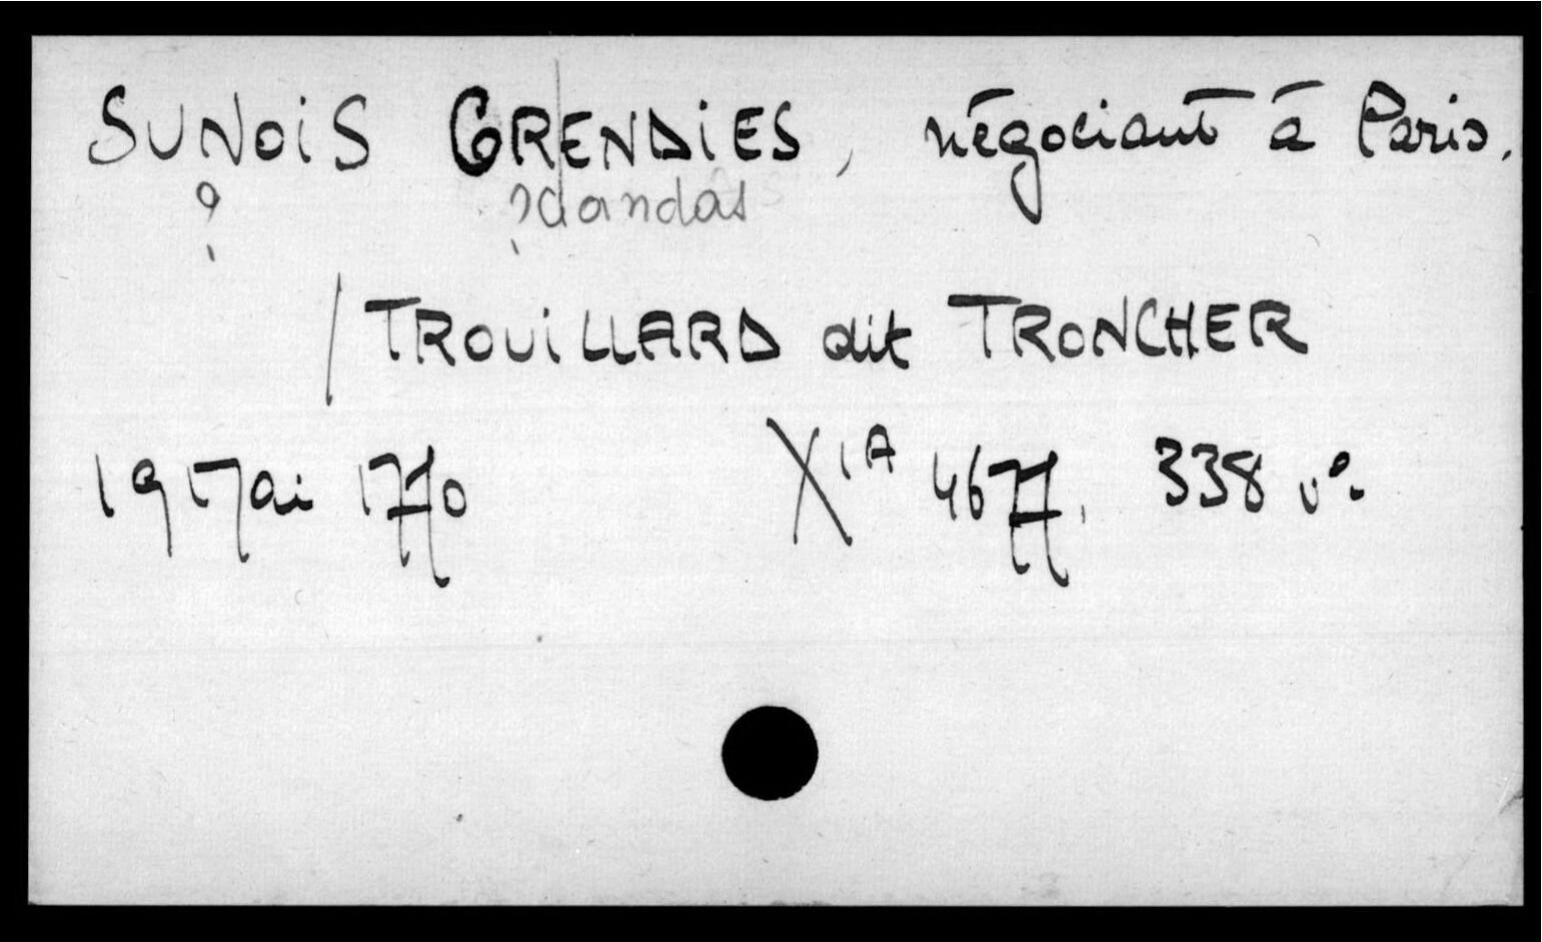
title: SUNOIS GRENDIES, négociant à Paris.
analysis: Contre TROUILLARD dit TRONCHER
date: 19 mai 1770
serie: X1A
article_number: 4677
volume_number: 338v
